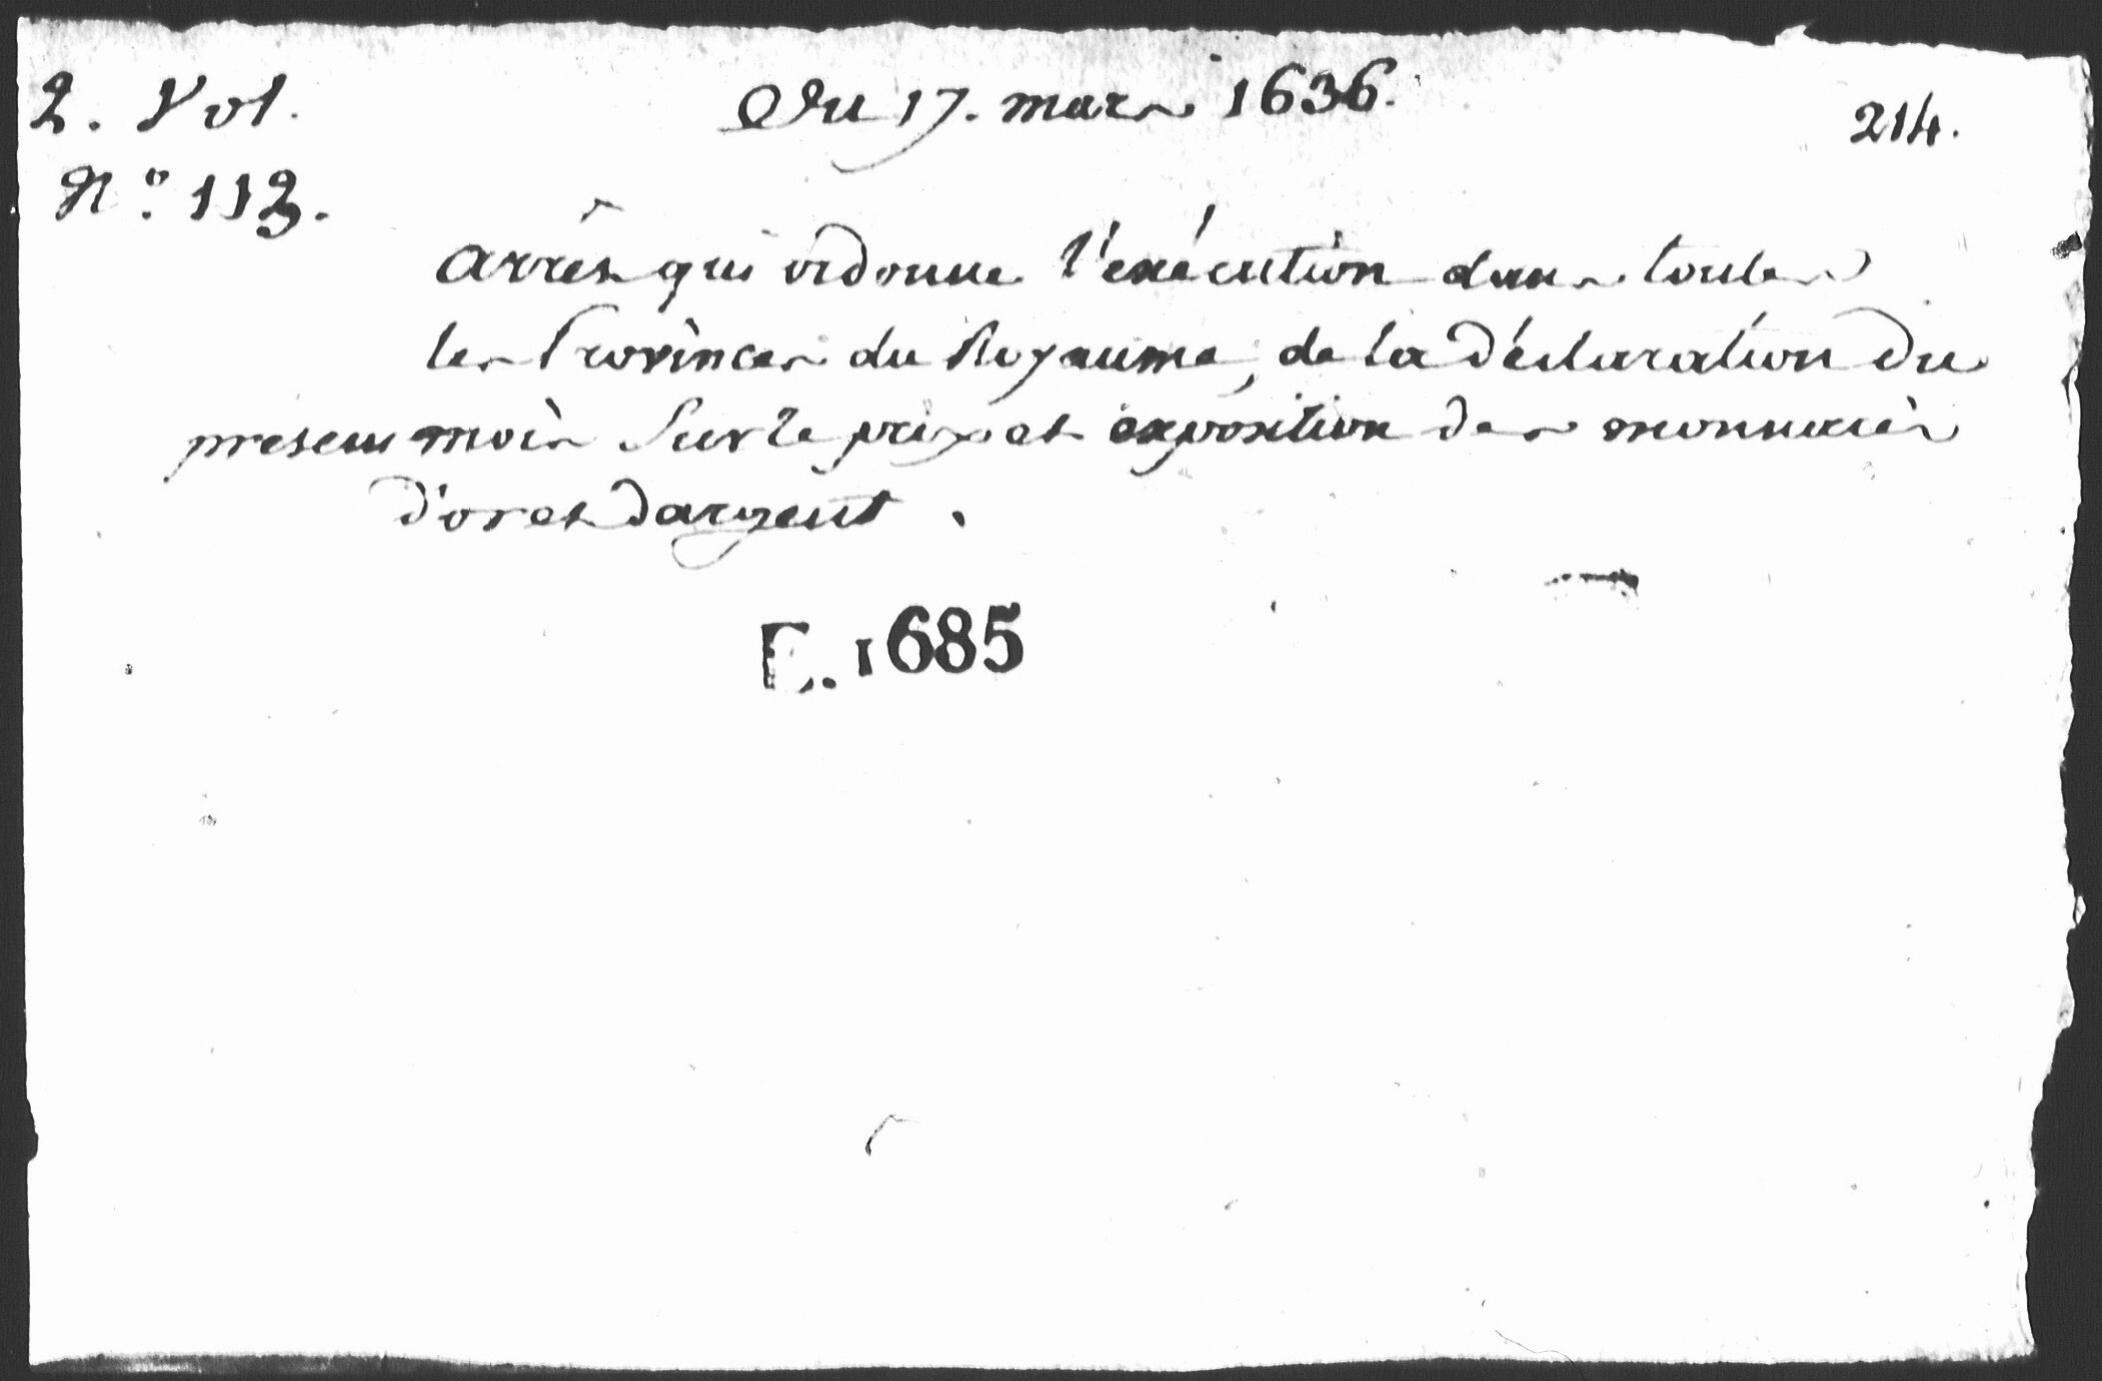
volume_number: n°113
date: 17 mars 1636
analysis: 214
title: arrêt qui ordonne l'exécution dans toutes les Provinces du Royaume, de la déclaration du present mois sur le prix et exposition des monnaies d'or et d'argent.
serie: E
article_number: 1685
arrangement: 2. vol.
